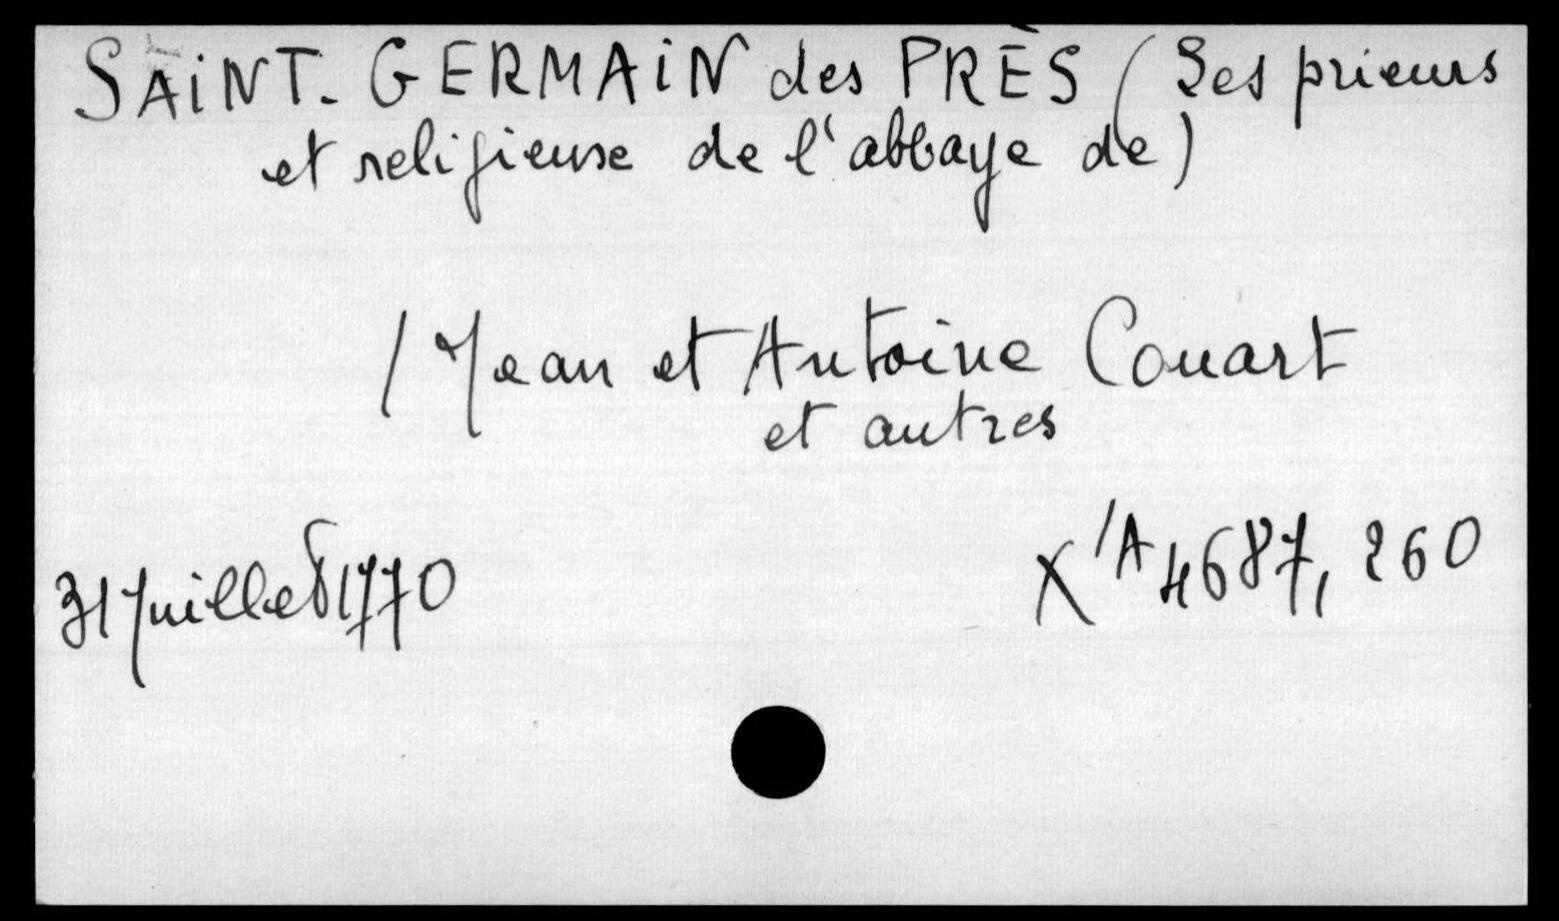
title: SAINT-GERMAIN des PRES (Les prieurs et religieuse de l'abbaye de)
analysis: Contre Jean et Antoine Couart et autres
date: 31 juillet 1770
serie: X1A
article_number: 4687
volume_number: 260
